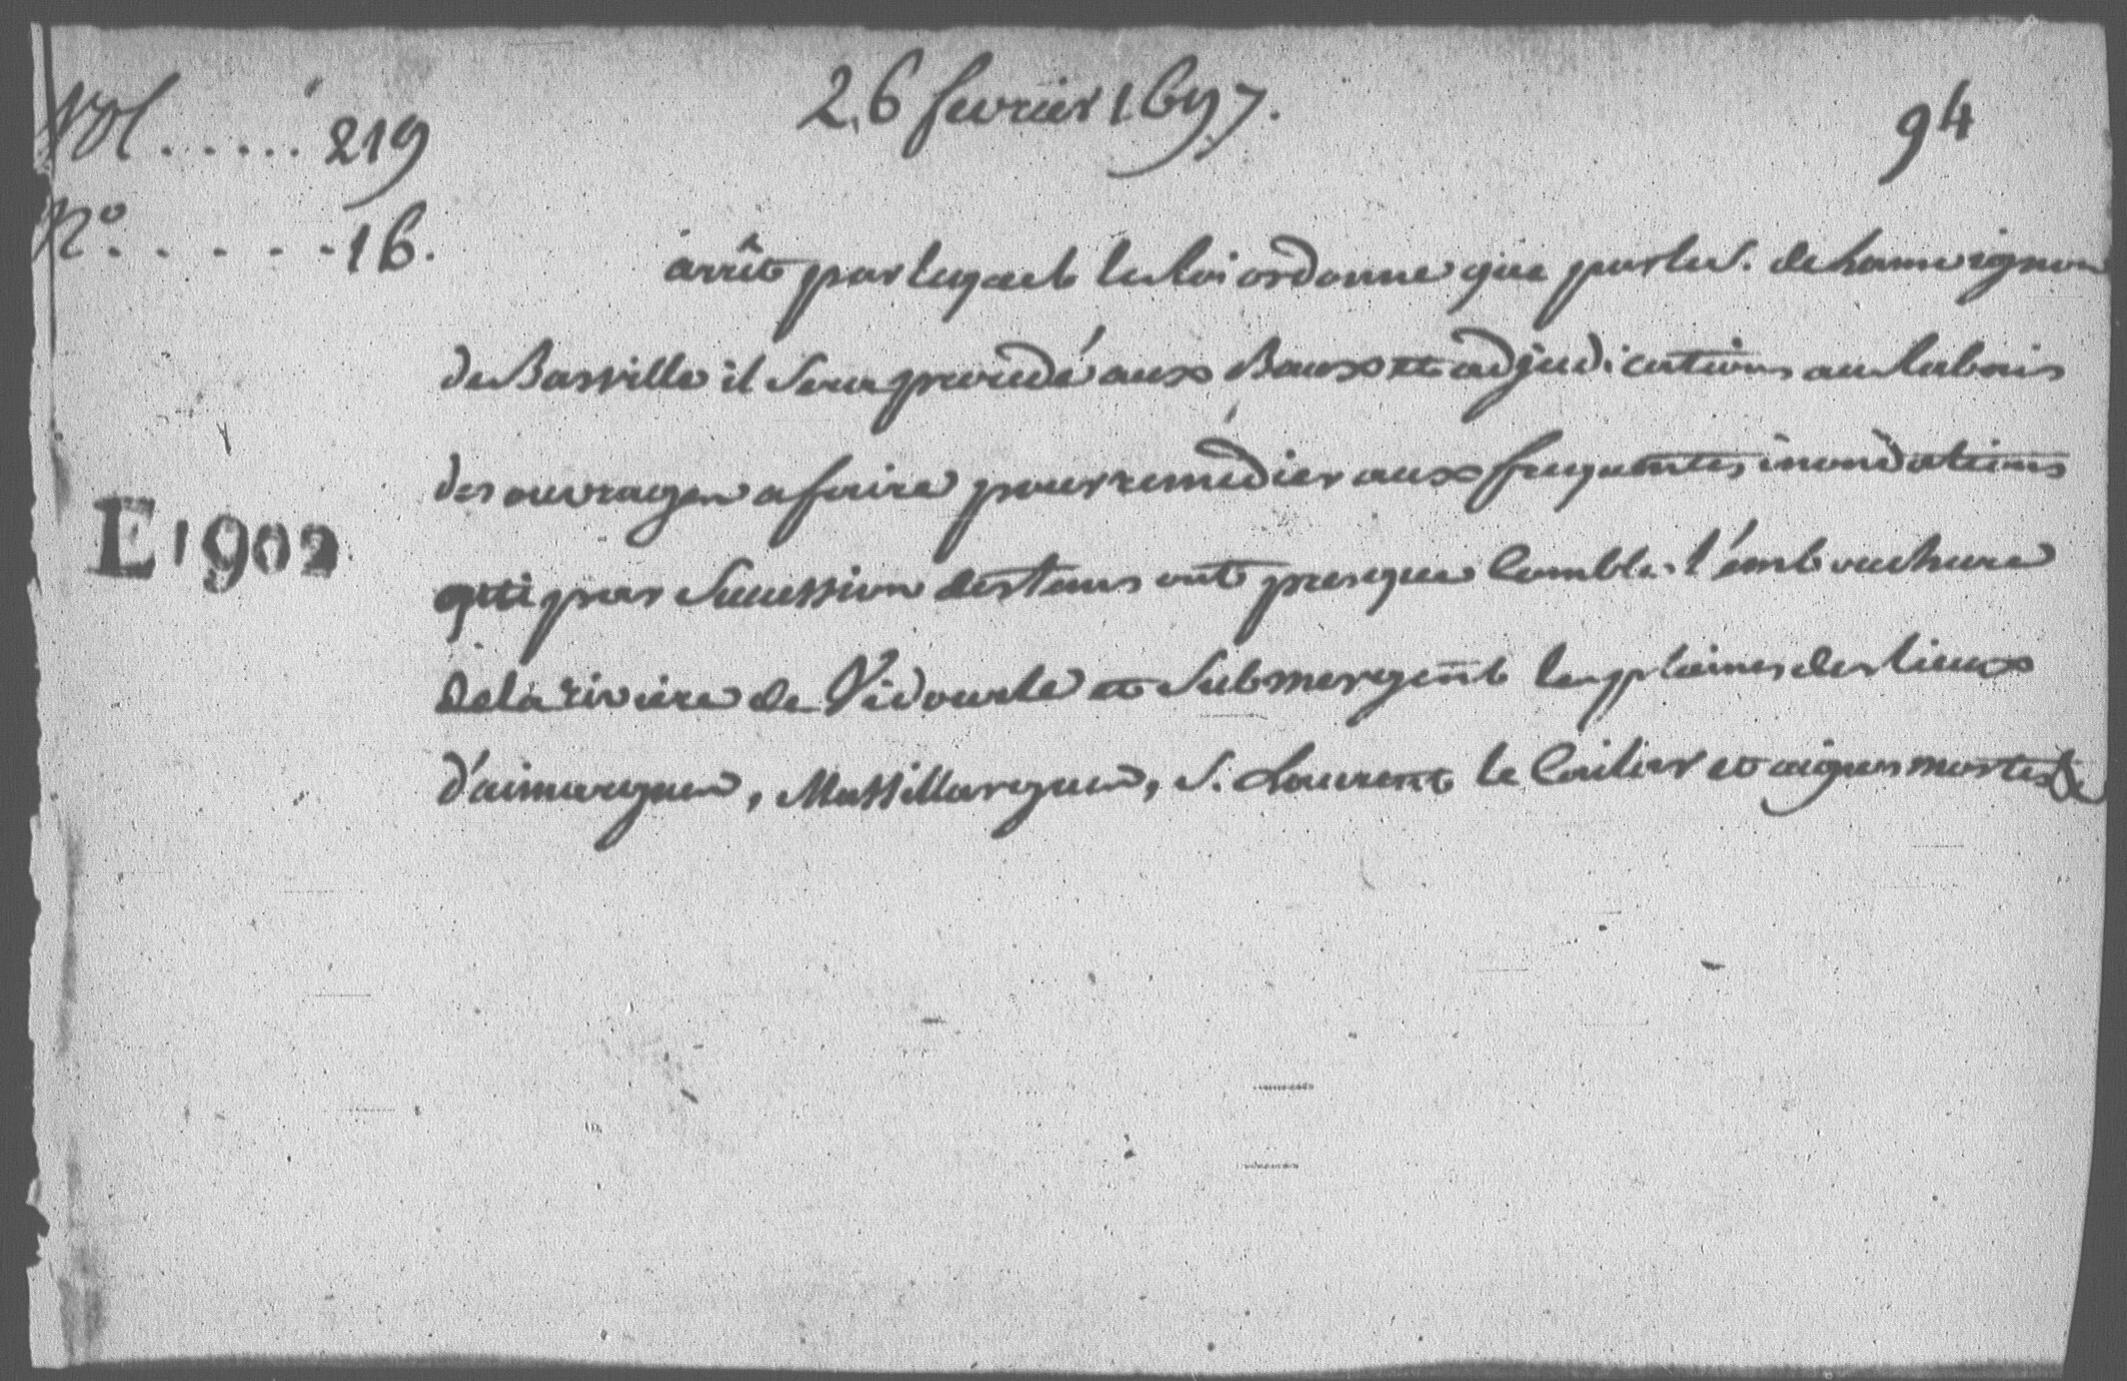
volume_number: n°16
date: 26 février 1697
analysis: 94
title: arrêt par lequel le Roi ordonne que par le S. de Lamoignon de Basville il sera procedé aux Baux et adjudications au rabais des ouvrages a faire pour remédier aux frequentes inondations qui par succession des tems ont presque comble l'embouchure de la rivière de Vidourle et submergent les plaines des lieux d'aimargues, Massillargues, S. Laurent le Cailar et aigues mortes
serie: E
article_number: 1902
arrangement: vol. 219
